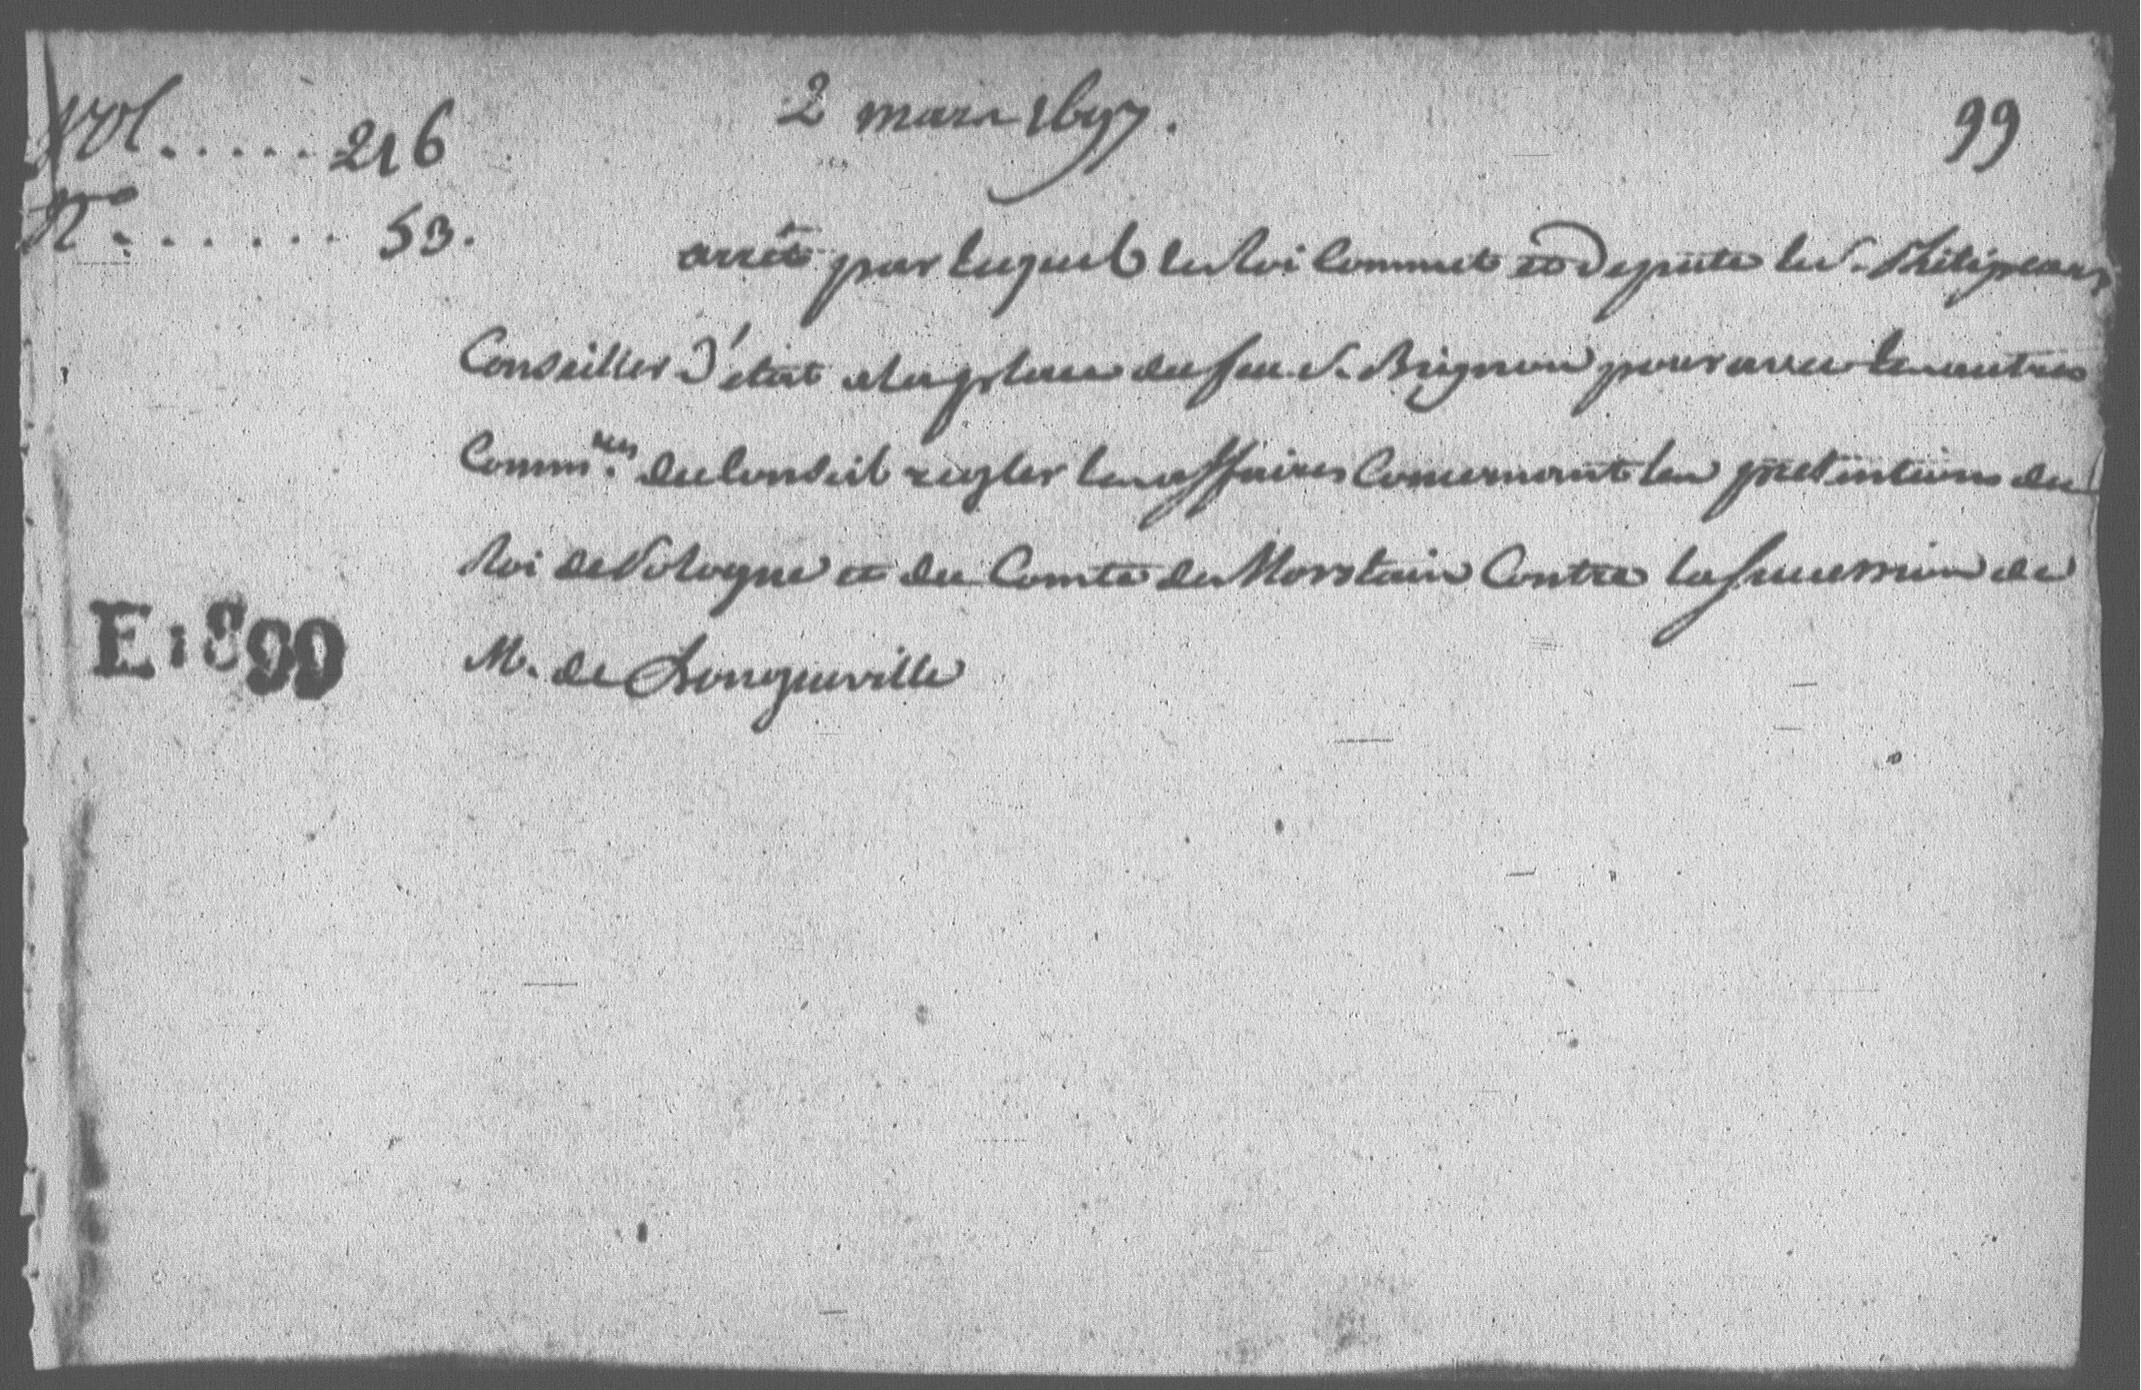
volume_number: n°53
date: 2 mars 1697
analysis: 99
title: arrêt par lequel le Roi commet et depute le S. Philipeaux conseiller d'état a la place du feu S. Brignon pour avec les autres comm.res du Conseil regler les affaires concernant les pretentions du roi de Pologne et du Comte de Morstain contre la succession de M. de Longueville
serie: E
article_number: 1899
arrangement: vol. 216
